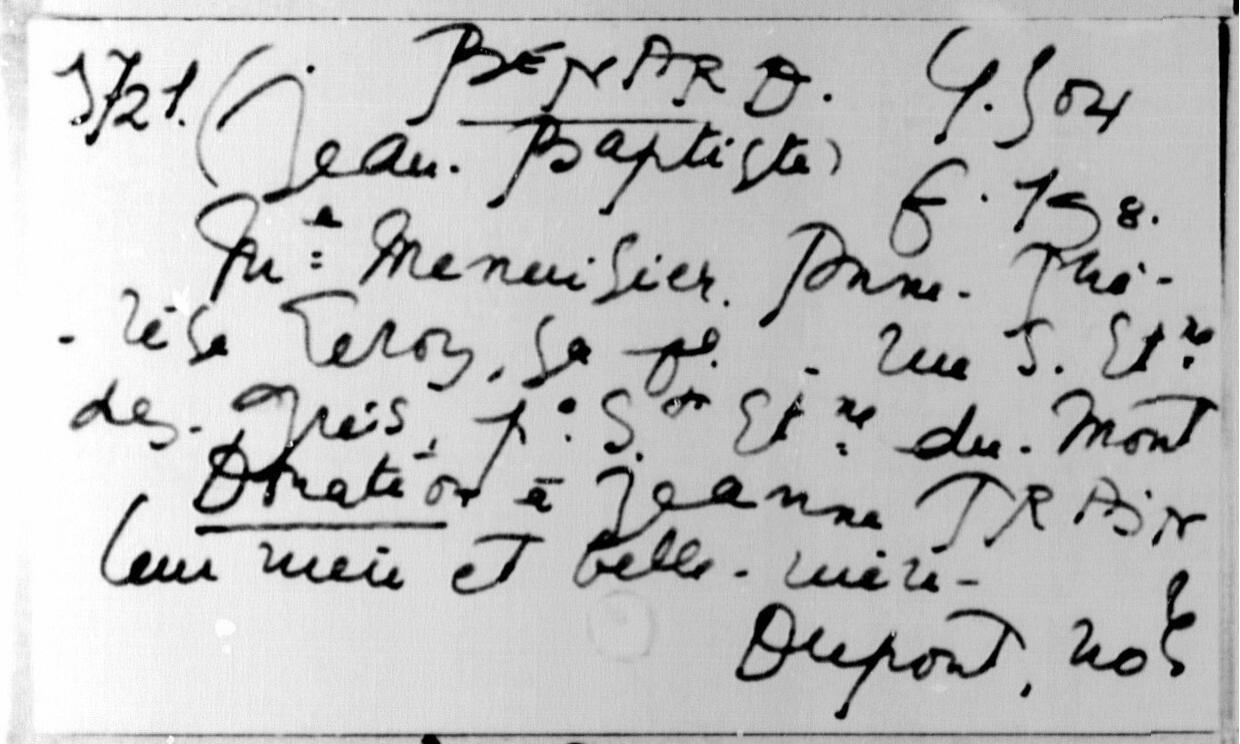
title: BENARD (Jean-Baptiste)
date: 1721
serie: Y
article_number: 304
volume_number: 198
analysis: Marchand menuisier. Anne-Thérèse Leroy, sa femme, rue Saint-Étienne des Grès, paroisse Saint-Étienne du Mont, Donation à Jeanne Train, leur mère et belle-mère. Dupont, notaire.
